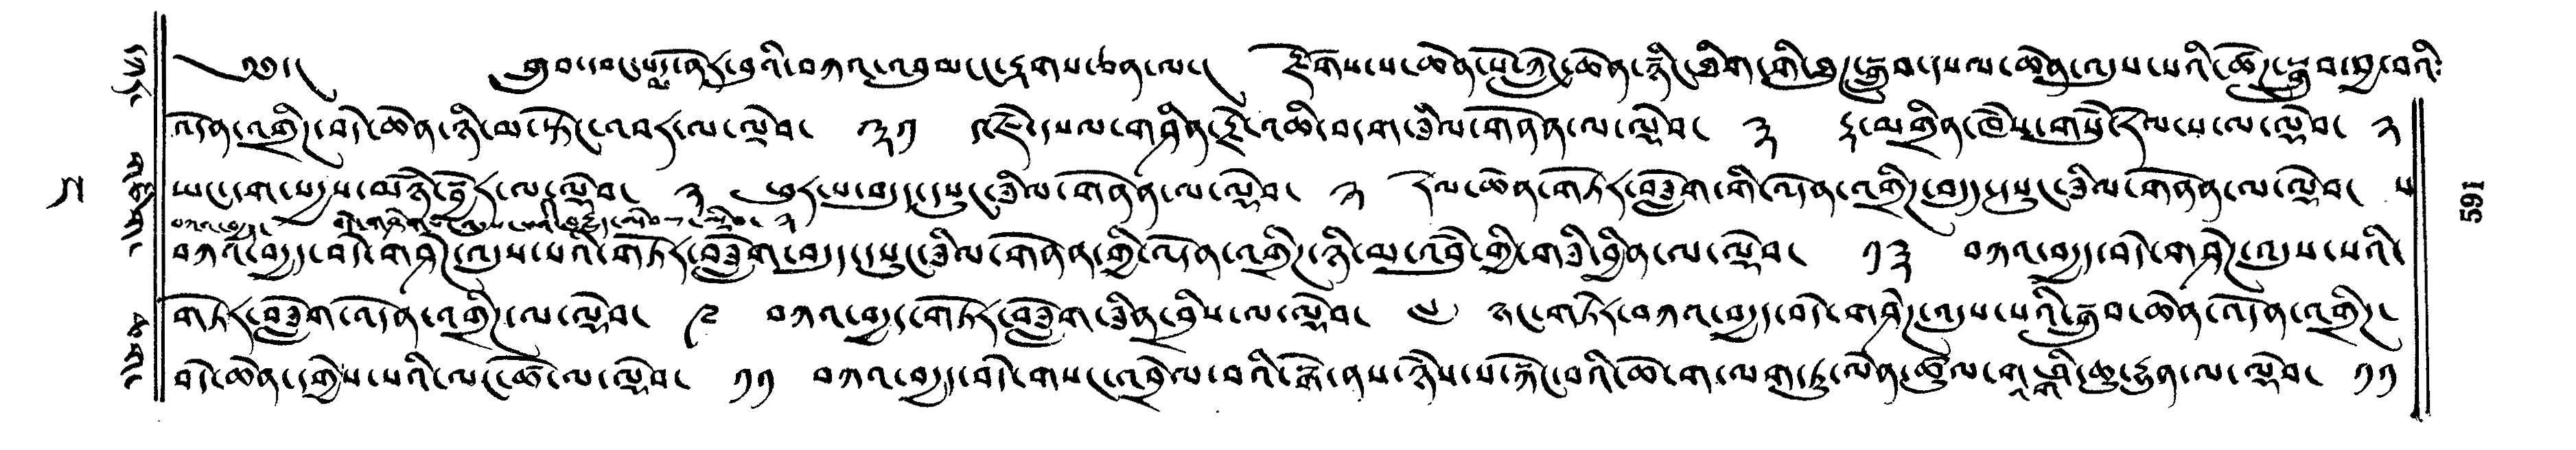༄༅། གྲུབ་དབང་པདྨ་ནོར་བུའི་བཀའ་འབུམ་ང་རྟགས་ཅན་ལ། རྫོགས་པ་ཆེན་པོ་ཀློང་ཆེན་སྙིང་ཐིག་གི་ཐུགས་སྒྲུབ་དཔལ་ཆེན་འདུས་པའི་ཚོགས་སྒྲུབ་བྱ་བའི་
འདོན་འགྲིགས་བདེ་ཆེན་ཉི་མ་སྟོང་འབར་ལ་ལྡེབ། འཇམ་དཔལ་གཤིན་རྗེ་འཆི་བདག་ཟིལ་གནོན་ལ་ལྡེབ། རྟ་མགྲིན་ཁམས་གསུམ་རོལ་པ་ལ་ལྡེབ། 
ཡང་དག་སངས་རྒྱས་མཉམ་སྦྱོར་ལ་ལྡེབ། ཕུར་པ་བདུད་དཔུང་ཟིལ་གནོན་ལ་ལྡེབ། རོལ་ཆེན་གཏོར་བཟློག་གི་འདོན་འགྲིགས་བདུད་དཔུང་ཟིལ་གནོན་ལ་ལྡེབ། 
བཀའ་བརྒྱད་བདེ་གཤེགས་འདུས་པའི་བརྒྱུད་འདེབས་ལ་ལྡེབ། བཀའ་བརྒྱད་བདེ་གཤེགས་འདུས་པའི་གཏོར་བཟློག་བདུད་དཔུང་ཟིལ་གནོན་གྱི་འདོན་འགྲིགས་ཉི་མ་འབུམ་གྱི་གཟི་བྱིན་ལ་ལྡེབ། བཀའ་བརྒྱད་བདེ་གཤེགས་འདུས་པའི་
གཏོར་བཟློག་འདོན་འགྲིགས་ལ་ལྡེབ། བཀའ་བརྒྱད་གཏོར་བཟློག་ཟིན་བྲིས་ལ་ལྡེབ། ཉང་གཏེར་བཀའ་བརྒྱད་བདེ་གཤེགས་འདུས་པའི་སྒྲུབ་ཆེན་འདོན་འགྲིགས་
བདེ་ཆེན་དགྱེས་པའི་ལང་ཚོ་ལ་ལྡེབ། བཀའ་བརྒྱད་བདེ་གསང་འབྲེལ་བའི་སྒོ་ནས་ཉམས་པ་སྐོང་བའི་ཆོ་ག་ལག་ཏུ་ལེན་ཚུལ་གཱངྒའི་ཆུ་རྒྱུན་ལ་ལྡེབ།